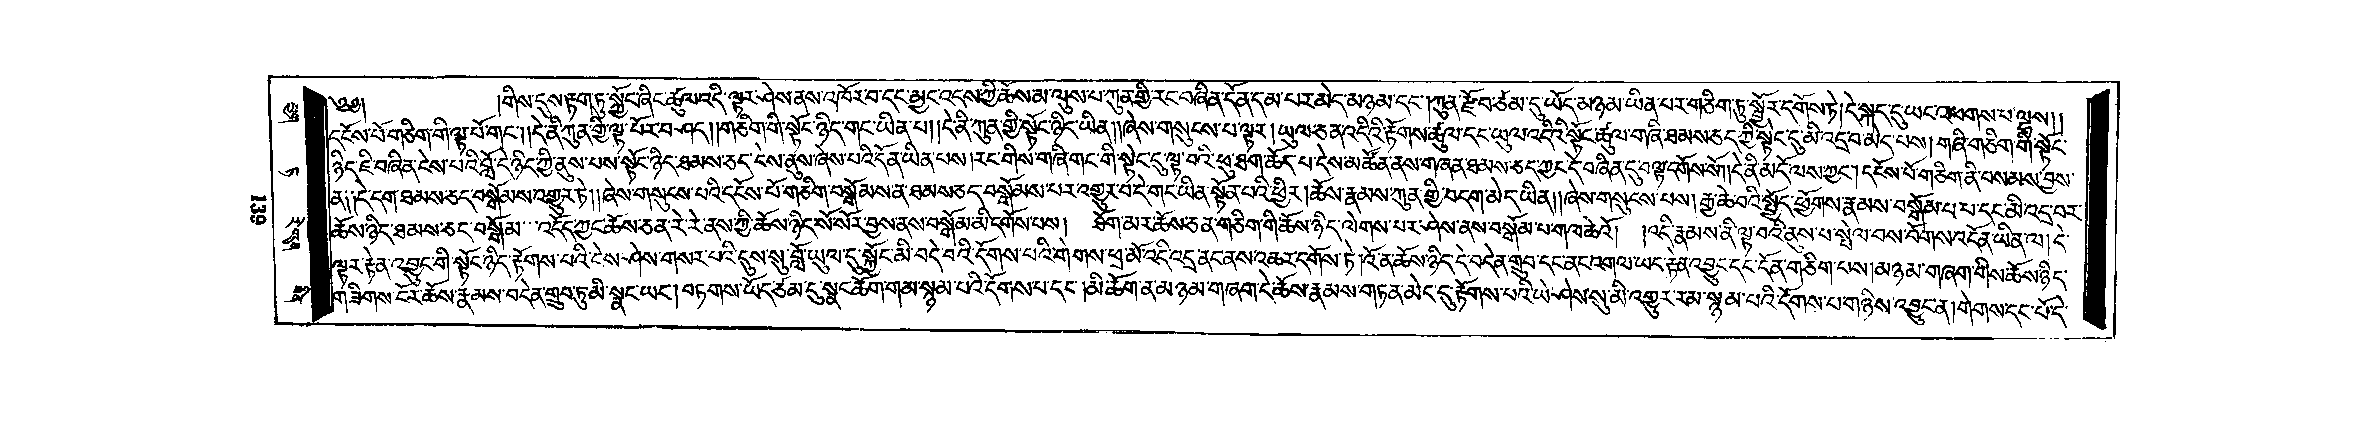༄༅། །གིས་དུས་རྟག་ཏུ་སྐྱོང་ཞིང་ཚུལ་འདི་ལྟར་ཤེས་ནས་འཁོར་བ་དང་མྱང་འདས་ཀྱི་ཆོས་མ་ལུས་པ་ཀུན་གྱི་རང་བཞིན་དོན་དམ་པར་མེད་མཉམ་དང་། ཀུན་རྫོབ་ཙམ་དུ་ཡོད་མཉམ་ཡིན་པར་གཅིག་ཏུ་སྦྱོར་དགོས་ཏེ། དེ་སྐད་དུ་ཡང་འཕགས་པ་ལྷས།
དངོས་པོ་གཅིག་གི་ལྟ་པོ་གང་། །དེ་ནི་ཀུན་གྱི་ལྟ་པོར་བཤད། །གཅིག་གི་སྟོང་ཉིད་གང་ཡིན་པ། །དེ་ནི་ཀུན་གི་སྟོང་ཉིད་ཡིན། །ཞེས་གསུངས་པ་ལྟར། ཡུལ་ཅན་འདིའི་རྟོགས་ཚུལ་དང་ཡུལ་འདིའི་སྟོང་ཚུལ་གཞི་ཐམས་ཅད་ཀྱི་སྟེང་དུ་མི་འདྲ་བ་མེད་པས། གཞི་གཅིག་གི་སྟོང་
ཉིད་ཇི་བཞིན་ངེས་པའི་བློ་དེ་ཉིད་ཀྱི་ནུས་པས་སྟོང་ཉིད་ཐམས་ཅད་ངེས་ནུས་ཞེས་པའི་དོན་ཡིན་པས། རང་གིས་གཞི་གང་གི་སྟེང་དུ་ལྟ་བའི་ཕུ་ཐག་ཆོད་པ་དེས་མཚོན་ནས་གཞན་ཐམས་ཅད་ཀྱང་དེ་བཞིན་དུ་བལྟ་དགོས་སོ། །དེ་ནི་མདོ་ལས་ཀྱང་། དངོས་པོ་གཅིག་ནི་བསམས་བྱས་
ན། །དེ་དག་ཐམས་ཅད་བསྒོམས་འགྱུར་ཏེ། །ཞེས་གསུངས་པའི་དངོས་པོ་གཅིག་བསྒོམས་ན་ཐམས་ཅད་བསྒོམས་པར་འགྱུར་བ་དེ་གང་ཡིན་སྟོན་པའི་ཕྱིར། ཆོས་རྣམས་ཀུན་གྱི་བདག་མེད་ཡིན། །ཞེས་གསུངས་པས། རྒྱ་ཆེ་བའི་སྤྱོད་ཕྱོགས་རྣམས་བསྒོམ་པ་པ་དང་མི་འདྲ་བར་
ཆོས་ཉིད་ཐམས་ཅད་བསྒོམ་འདོད་ཀྱང་ཆོས་ཅན་རེ་རེ་ནས་ཀྱི་ཆོས་ཉིད་སོ་སོར་བྱས་ནས་བསྒོམ་མི་དགོས་པས། ཐོག་མར་ཆོས་ཅན་གཅིག་གི་ཆོས་ཉིད་ལེགས་པར་ཤེས་ནས་བསྒོམ་པ་གལ་ཆེའོ། །འདི་རྣམས་ནི་ལྟ་བའི་ནུས་པ་སྤེལ་བས་བོགས་འདོན་ཡིན་ལ། དེ་
ལྟར་རྟེན་འབྱུང་གི་སྟོང་ཉིད་རྟོགས་པའི་ངེས་ཤེས་གསར་པའི་དུས་སུ་བློ་ཡུལ་དུ་སྐྱོང་མི་བདེ་བའི་དགོས་པའི་གེགས་ཕྲ་མོ་འདི་འདྲ་ནང་ནས་འཆར་དོགས་ཏེ། འོ་ན་ཆོས་ཉིད་དེ་བདེན་གྲུབ་དང་ནང་འགལ་ཡང་རྟེན་འབྱུང་དང་དོན་གཅིག་པས། མཉམ་གཞག་གིས་ཆོས་ཉིད་
གཟིགས་ངོར་ཆོས་རྣམས་བདེན་གྲུབ་ཏུ་མི་སྣང་ཡང་། བཏགས་ཡོད་ཙམ་དུ་སྣང་ཆོག་གམ་སྙམ་པའི་དོགས་པ་དང་། མི་ཆོག་ན་མཉམ་གཞག་དེ་ཆོས་རྣམས་གཏན་མེད་དུ་རྟོགས་པའི་ཡེ་ཤེས་སུ་མི་འགྱུར་རམ་སྙམ་པའི་དོགས་པ་གཉིས་འབྱུང་ནས། གེགས་དང་པོ་དེ་